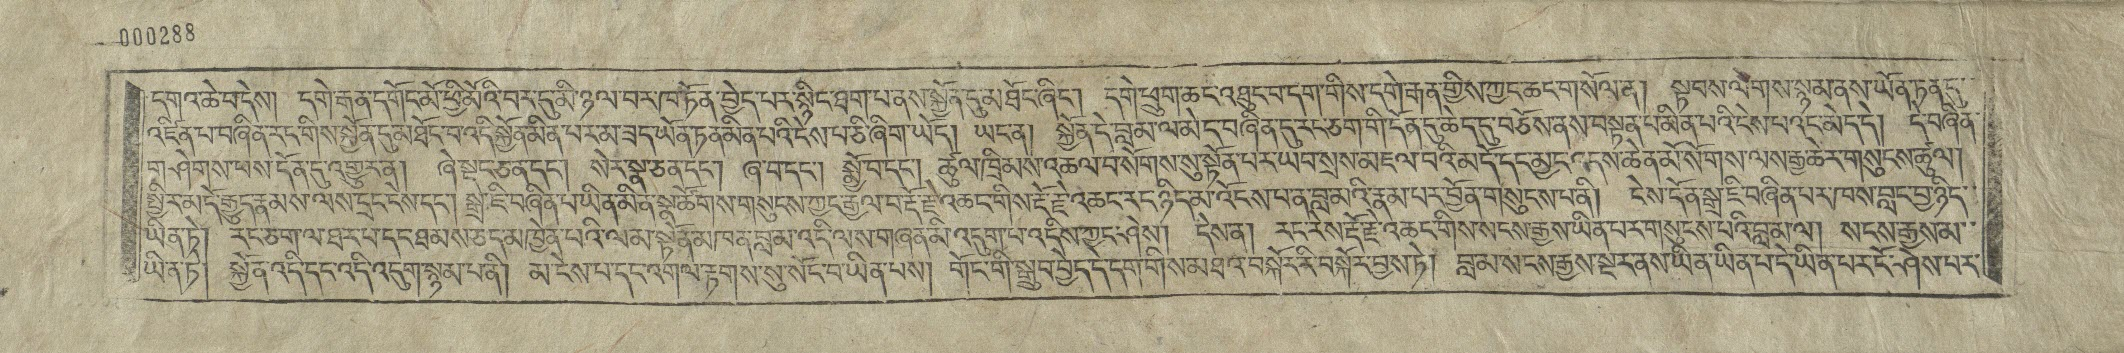དགའ་ཆེ་བ་དེས། དགེ་རྒན་དགོང་མོ་ཕྱི་མོའི་བར་དུ་མི་ཉལ་བར་ཁ་ཏོན་བྱེད་པར་སྙིང་ཐག་པ་ནས་སྐྱོན་དུ་མཐོང་ཞིང་། དགེ་ཕྲུག་ཆང་འཐུང་བ་དག་གིས་དགེ་རྒན་གྱིས་ཀྱང་ཆང་གསོལ་ན། སྟབས་ལེགས་སྙམ་ནས་ཡོན་ཏན་དུ་
འཛིན་པ་བཞིན་རང་གིས་སྐྱོན་དུ་མཐོང་བ་འདི་སྐྱོན་མིན་པར་མ་ཟད་ཡོན་ཏན་མིན་པའི་ངེས་པ་ཅི་ཞིག་ཡོད། ཡང་ན། སྐྱོན་དེ་བླ་མ་ལ་མེད་བཞིན་དུ་རང་ཅག་གི་དོན་དུ་ཆེད་དུ་བཅོས་ནས་བསྟན་པ་མིན་པའི་ངེས་པའང་མེད་དེ། དེ་བཞིན་
གཤེགས་པས་དོན་དུ་འགྱུར་ན། ཞེ་སྡང་ཅན་དང་། སེར་སྣ་ཅན་དང་། ཞ་བ་དང་། སྨྱོ་བ་དང་། ཚུལ་ཁྲིམས་འཆལ་བ་སོགས་སུ་སྟོན་པར་ཡབ་སྲས་མཇལ་བའི་མདོ་དང་མྱང་འདས་ཆེན་མོ་སོགས་ལས་རྒྱ་ཆེར་གསུངས་ཚུལ།
སྤྱིར་མདོ་རྒྱུད་རྣམས་ལས་དྲང་ངེས་དང་། སྒྲ་ཇི་བཞིན་པ་ཡིན་མིན་སྣ་ཚོགས་གསུངས་ཀྱང་རྒྱལ་བ་རྡོ་རྗེ་འཆང་གིས་རྡོ་རྗེ་འཆང་རང་ཉིད་མ་འོངས་པ་ན་བླ་མའི་རྣམ་པར་བྱོན་གསུངས་པ་ནི། ངེས་དོན་སྒྲ་ཇི་བཞིན་པར་ཁས་བླང་བྱ་ཉིད་
ཡིན་ཏེ། རང་ཅག་ལ་ཐར་པ་དང་ཐམས་ཅད་མཁྱེན་པའི་ལམ་སྟོན་མཁན་བླ་མ་འདི་ལས་གཞན་མི་འདུག་པ་འདིས་ཀྱང་ཤེས། དེས་ན། རང་རེས་རྡོ་རྗེ་འཆང་གིས་སངས་རྒྱས་ཡིན་པར་གསུངས་པའི་བླ་མ་ལ། སངས་རྒྱས་མ་
ཡིན་ཏེ། སྐྱོན་འདི་དང་འདི་འདུག་སྙམ་པ་ནི། མ་ངེས་པ་དང་འགལ་རྟགས་སུ་སོང་བ་ཡིན་པས། གོང་གི་སྒྲུབ་བྱེད་དེ་དག་གིས་མཐའ་བསྐོར་རི་བསྐོར་བྱས་ཏེ། བླ་མ་སངས་རྒྱས་སྔར་ནས་ཡིན་ཡིན་པ་དེ་ཡིན་པར་ངོ་ཤེས་པར་